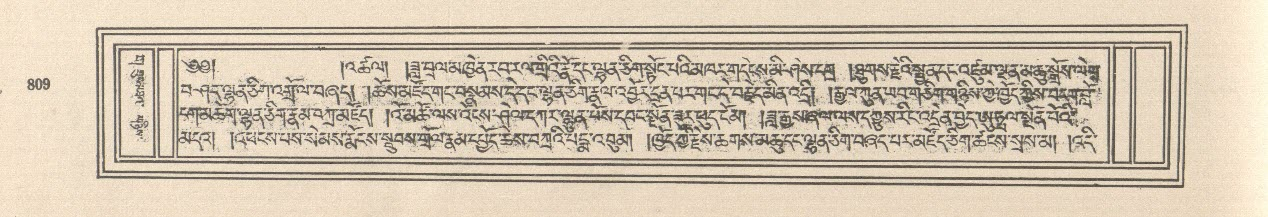༄༅། །འཚལ། །ཟླ་བྲལ་མཁྱེན་རབ་རལ་གྲིའི་རྣོ་དང་ལྷན་ཅིག་སྟོང་པའི་མཁར་གདེངས་མི་ཤེས་དགྲ་།ཐུགས་རྗེའི་སྤྱན་དང་འཛུམ་ལྡན་མཆུ་སྒྲོས་ལེགས་
བཤད་ལྷན་ཅིག་འགྲོ་ལ་བཞད། །ཆོས་མཛོད་གང་བསྣམས་དེ་དང་ལྷན་ཅིག་རྣལ་འབྱོར་དྲན་པར་གང་དེ་བརྗེད་མིན་འདྲི། །རྒྱལ་ཀུན་ཡབ་གཅིག་གཉིས་ཀྱེ་ཁྱོད་ཀྱིས་བདག་བློ་
དག་མཆོག་ལྷན་ཅིག་རྣམ་བཀྲ་མཛོད། །འོ་མཚོ་ལས་འོངས་ཤེལ་དཀར་ལྟུན་པོས་དབང་སྔོན་ཟུར་ཕུད་ངོམ། །ཟླ་རྒྱས་ཞལ་ལས་དཀྱུས་རིང་འདྲེན་བྱེད་ཨུཏྤལ་སྔོན་པོའི་
མདའ། །འཕངས་པས་སེམས་རྨོངས་སྤུབས་གྲོལ་རྣམ་དཔྱོད་ཆེས་བཀྲའི་པདམ་འབུམ། །ཁྱོད་ཀྱི་རྗེས་ཆགས་མཆུ་དང་ལྷན་ཅིག་བཞད་པར་མཛོད་ཅིག་ཚངས་སྲས་མ། །འདི་